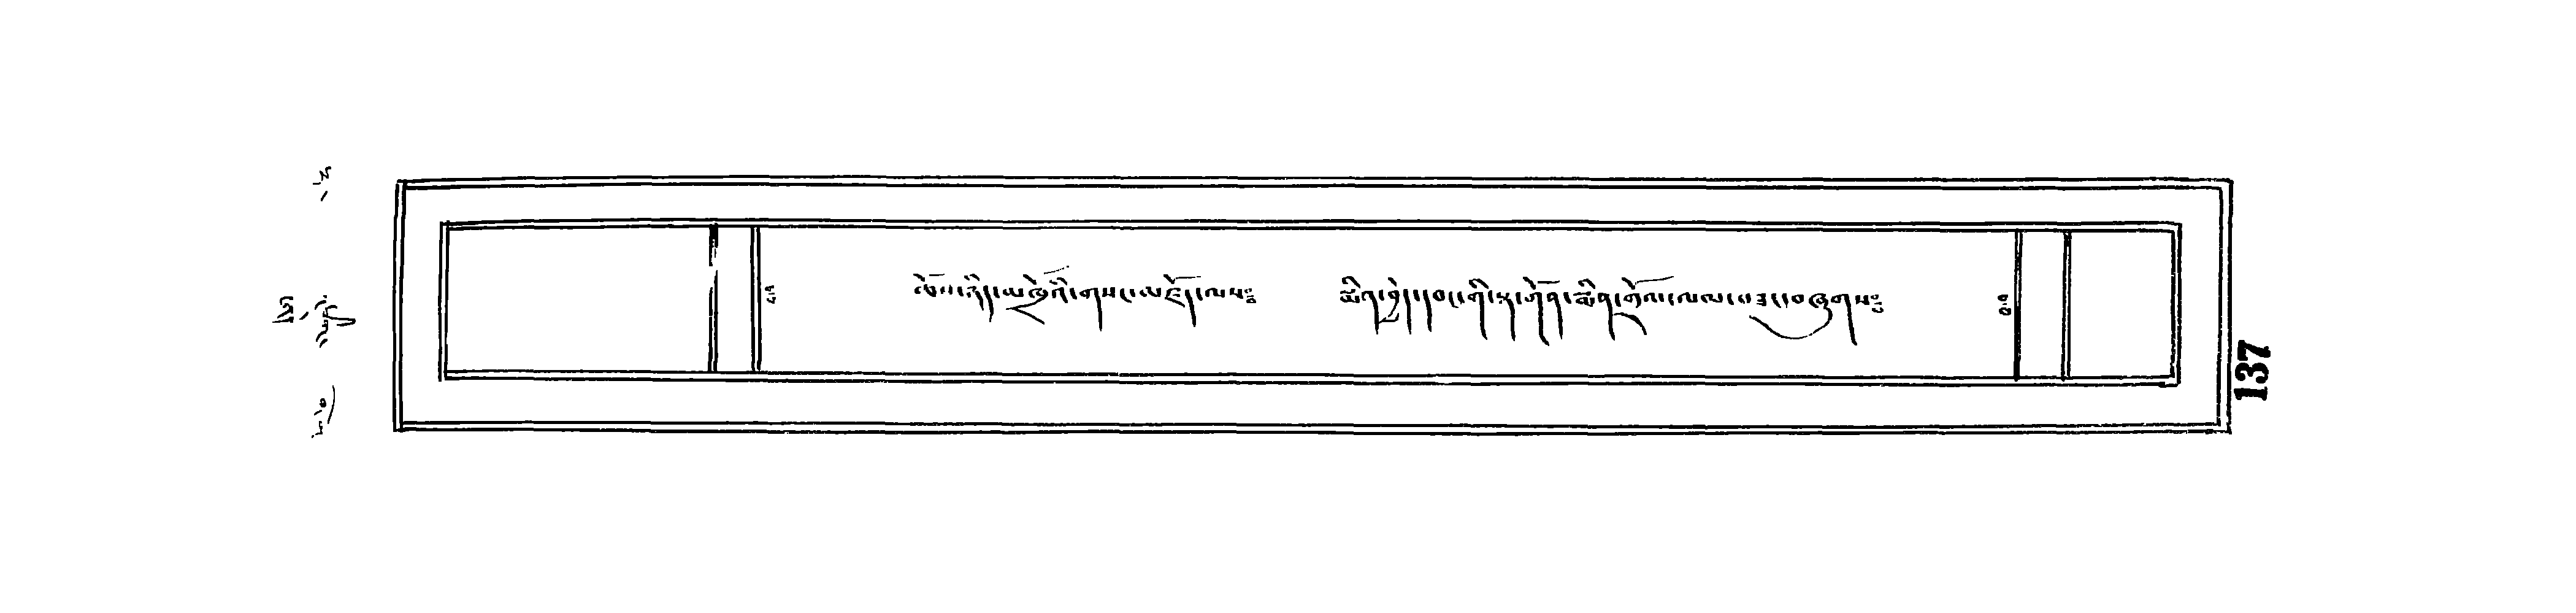ཆོས་ཉིད་མཁའ་འགྲོའི་གསང་མཛོད་ལས༔ སྨིན་བྱེད་དབང་གི་སྟ་གོན་སྨིན་གྲོལ་ལམ་བཟང་བཞུགས༔